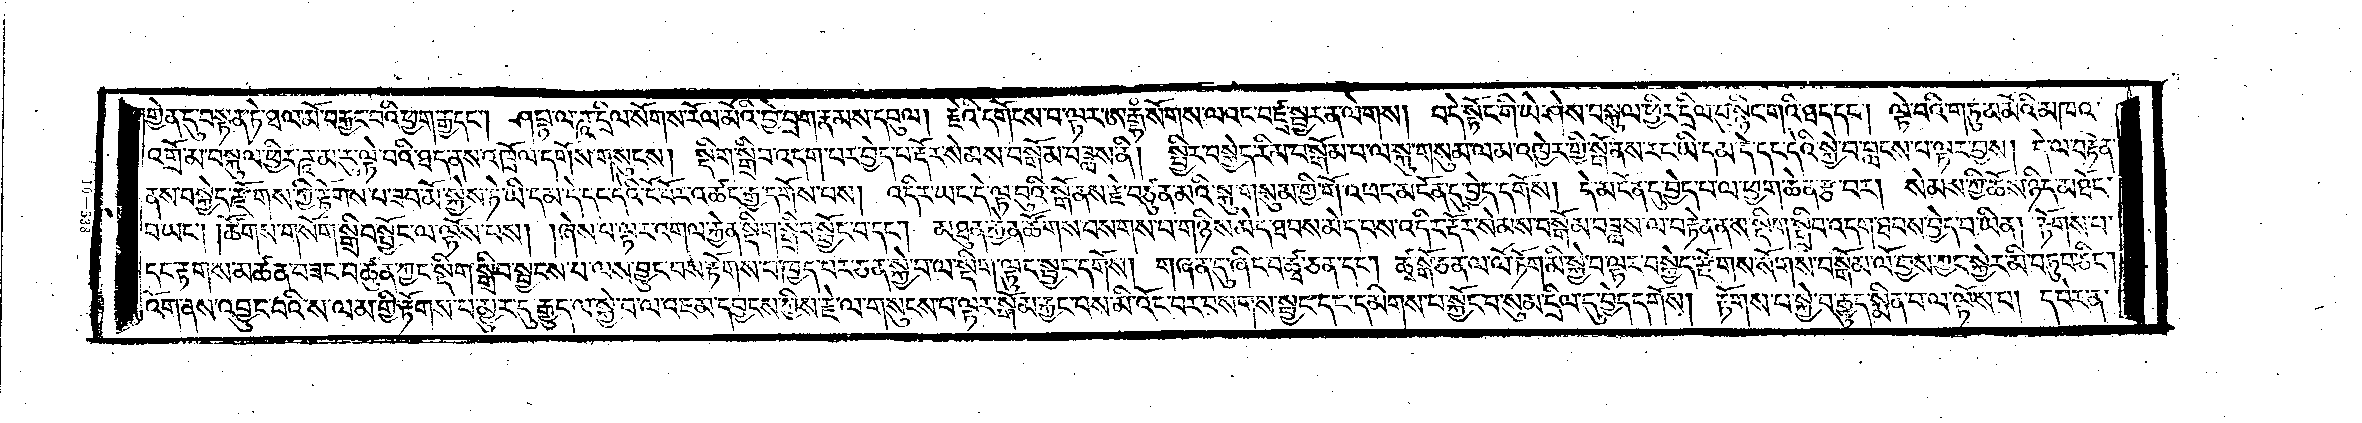ཕྱེ་ན་དུ་བསྟན་ཏེ་ཐལ་མོ་བརྐྱང་བའི་ཕྱག་རྒྱ་དང་། ཤཔྟ་ལ་ཌཱ་དྲི་ལ་སོགས་རོལ་མོའི་བྱེ་བྲག་རྣམས་དབུལ། རྗེའི་དགོངས་པ་ལྟར་ཨརགྷཾ་སོགས་ལའང་བཛྲ་སྦྱར་ན་ལེགས། བདེ་སྟོང་གི་ཡེ་ཤེས་བསྐུལ་ཕྱིར་དྲིལ་བུ་སྙིང་གའི་ཐད་དང་། ལྟེ་བའི་གཏུམ་མོའི་མཁའ་
འགྲོ་མ་བསྐུལ་ཕྱིར་ཌཱ་མ་རུ་ལྟེ་བའི་ཐད་ནས་འཁྲོལ་དགོས་གསུངས། སྡིག་སྒྲིབ་འདག་པར་བྱེད་པ་རྡོར་སེམས་བསྒོམ་བཟླས་ནི། སྤྱིར་བསྐྱེད་རིམ་བསྒོམ་པ་ལ་སྐུ་གསུམ་ལམ་འཁྱེར་གྱི་སྒོ་ནས་རང་ཡི་དམ་དེ་དང་དེའི་སྐྱེ་བ་བླངས་པ་ལྟར་བྱས། དེ་ལ་བརྟེན་
ནས་བསྐྱེད་རྫོགས་ཀྱི་རྟོགས་བཟབ་མོ་སྐྱེས་ཏེ་ཡི་དམ་དེ་དང་དེའི་ངོ་བོར་འཚང་རྒྱ་དགོས་པས། འདིར་ཡང་དེ་ལྟ་བུའི་སྒོ་ནས་རྗེ་བཙུན་མའི་སྐུ་གསུམ་གྱི་གོ་འཕང་མངོན་དུ་བྱེད་དགོས། དེ་མངོན་དུ་བྱེད་པ་ལ་ཕྱག་ཆེན་རྩ་བར། སེམས་ཀྱི་ཆོས་ཉིད་མཐོང་
བ་ཡང་། །ཚོགས་གསོག་སྒྲིབ་སྦྱོང་ལ་ལྟོས་པས། །ཞེས་པ་ལྟར་འགལ་རྐྱེན་སྡིག་སྒྲིབ་སྦྱོང་པ་དང་། མཐུན་རྐྱེན་ཚོགས་བསགས་པ་གཉིས་མེད་ཐབས་མེད་པས་འདིར་རྡོར་སེམས་བསྒོམ་བཟླས་ལ་བརྟེན་གནས་སྡིག་སྒྲིབ་མདག་ཐབས་བྱེད་པ་ཡིན། རྟོགས་པ་
དང་རྟགས་མཚན་བཟང་བ་ཚུན་ཀྱང་སྡིག་སྒྲིབ་སྦྱངས་པ་ལས་བྱུང་བས་རྟོགས་པ་ཁྱད་པར་ཅན་སྐྱེ་བ་ལ་སྡིག་ལྟུང་སྦྱང་དགོས། གཞན་དུ་ཞིང་བ་ཚྭ་ཅན་དང་། ཚྭ་སྒོ་ཅན་ལ་ལོ་ཏོག་མི་སྐྱེ་བ་ལྟར་བསྐྱེད་རྫོགས་སོགས་བསྒོམ་ལོ་བྱས་ཀྱང་སྐྱེར་མི་བཏུབ་ཅིང་།
འོག་ནས་འབྱུང་བའི་ས་ལམ་གྱི་རྟོགས་པ་མྱུར་དུ་རྒྱུད་ལ་སྐྱེ་བ་ལ་འཇམ་དབྱངས་ཀྱིས་རྗེ་ལ་གསུངས་བ་ལྟར་སྒོམ་རྐྱང་བས་མི་འོང་བར་བསགས་སྦྱང་དང་དམིགས་པ་སྐྱོང་བ་སུམ་དྲིལ་དུ་བྱེད་དགོས། རྟོགས་པ་སྐྱེ་བ་རྒྱུད་སྨིན་པ་ལ་ལྟོས་པ། དཔེར་ན་